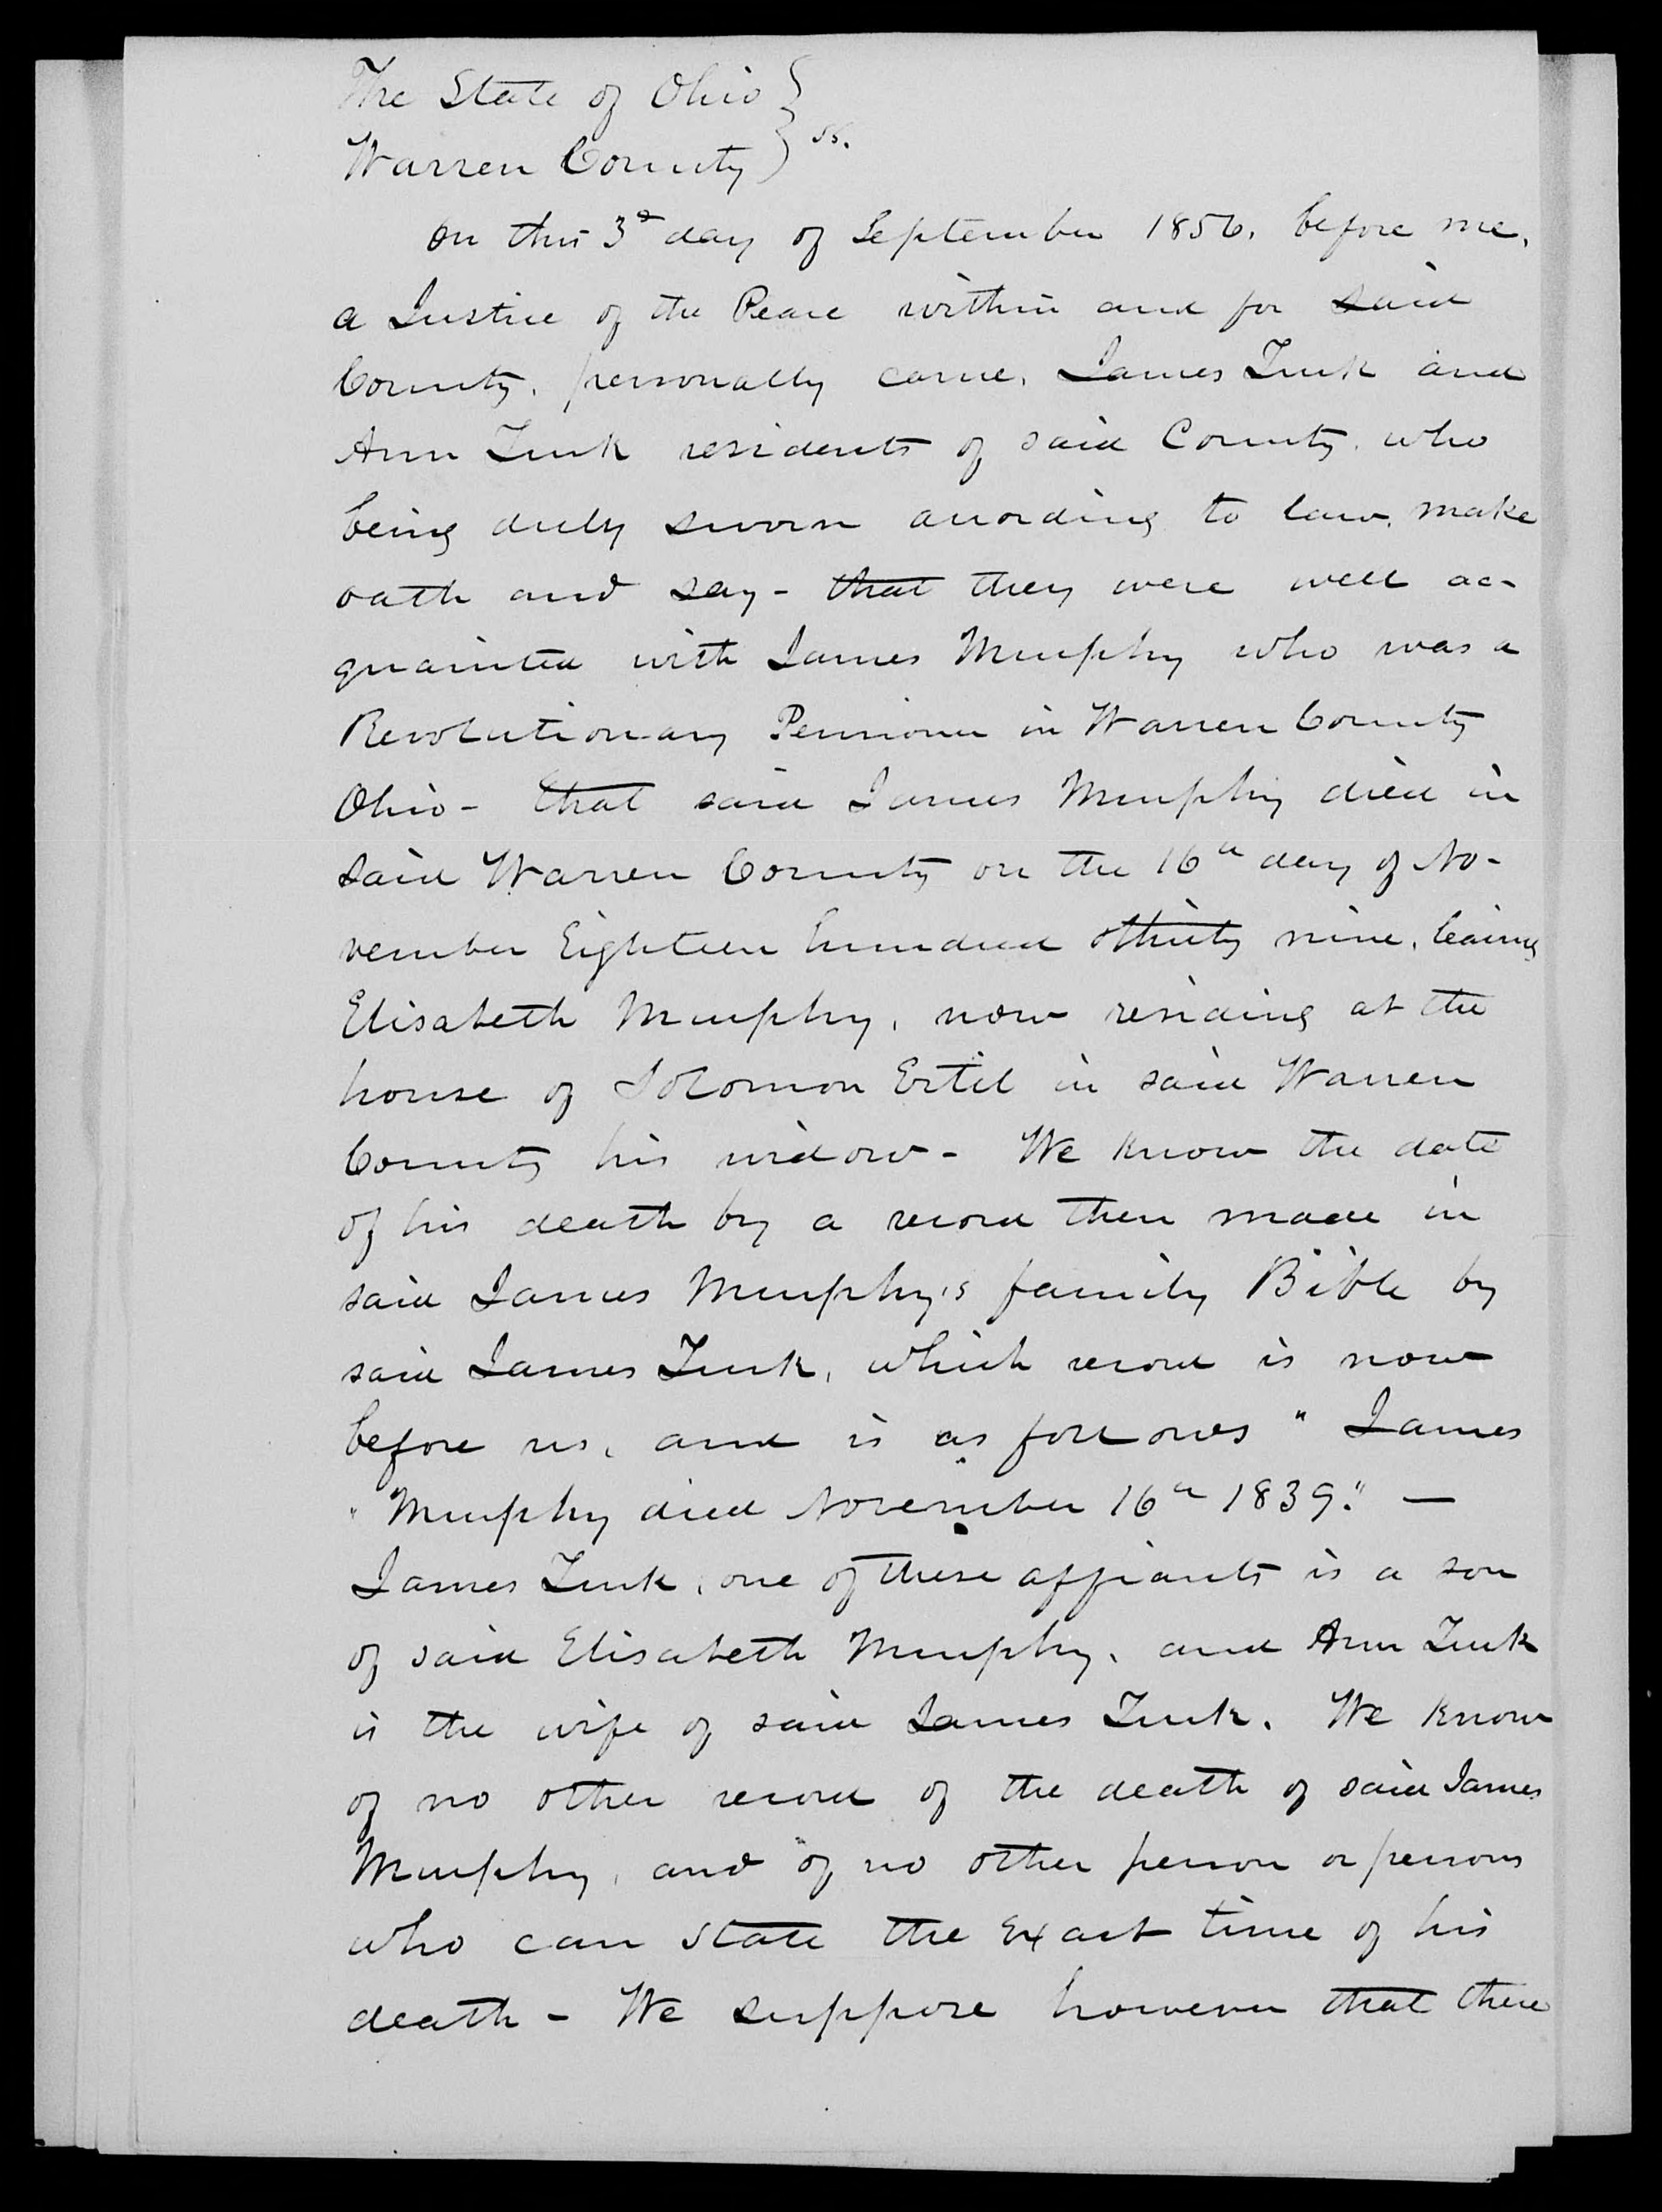The State of Ohio
Warren County    SS.

On this 3d day of September 1856 before me
a Justice of the Peace within and for said
County, personally came, James Turk and
Ann Turk residents of said County, who
being duly sworn according to law, make
oath and say- that they were well acquainted 
with James Murphy who was a
Revolutionary Pensioner in Warren County
Ohio - that said James Murphy died in
said Warren County on the 16th day of November
Eighteen hundred thirty nine leaving
Elisabeth Murphy, now residing at the
house of Solomon Ertil in said Warren
County his widow. We know the date
of his death by a record then made in
said James Murphy's family Bible by
said James Turk, which record is now
before us, and is as follows  "James
Murphy died November 16th 1839. -
James Turk, one of these affiants is a son
of said Elizabeth Murphy and Ann Turk
is the wife of said James Turk. We know
of no other record of the death of said James
Murphy, and of no other person or persons
who can state the exact time of his
death. We suppose however that there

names: Ann Turk; James Turk; James Murphy; Solomon Ertil; Elisabeth Murphy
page: 19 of 57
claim: widow's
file: W. 25,739, for James Murphey, Pennsylvania